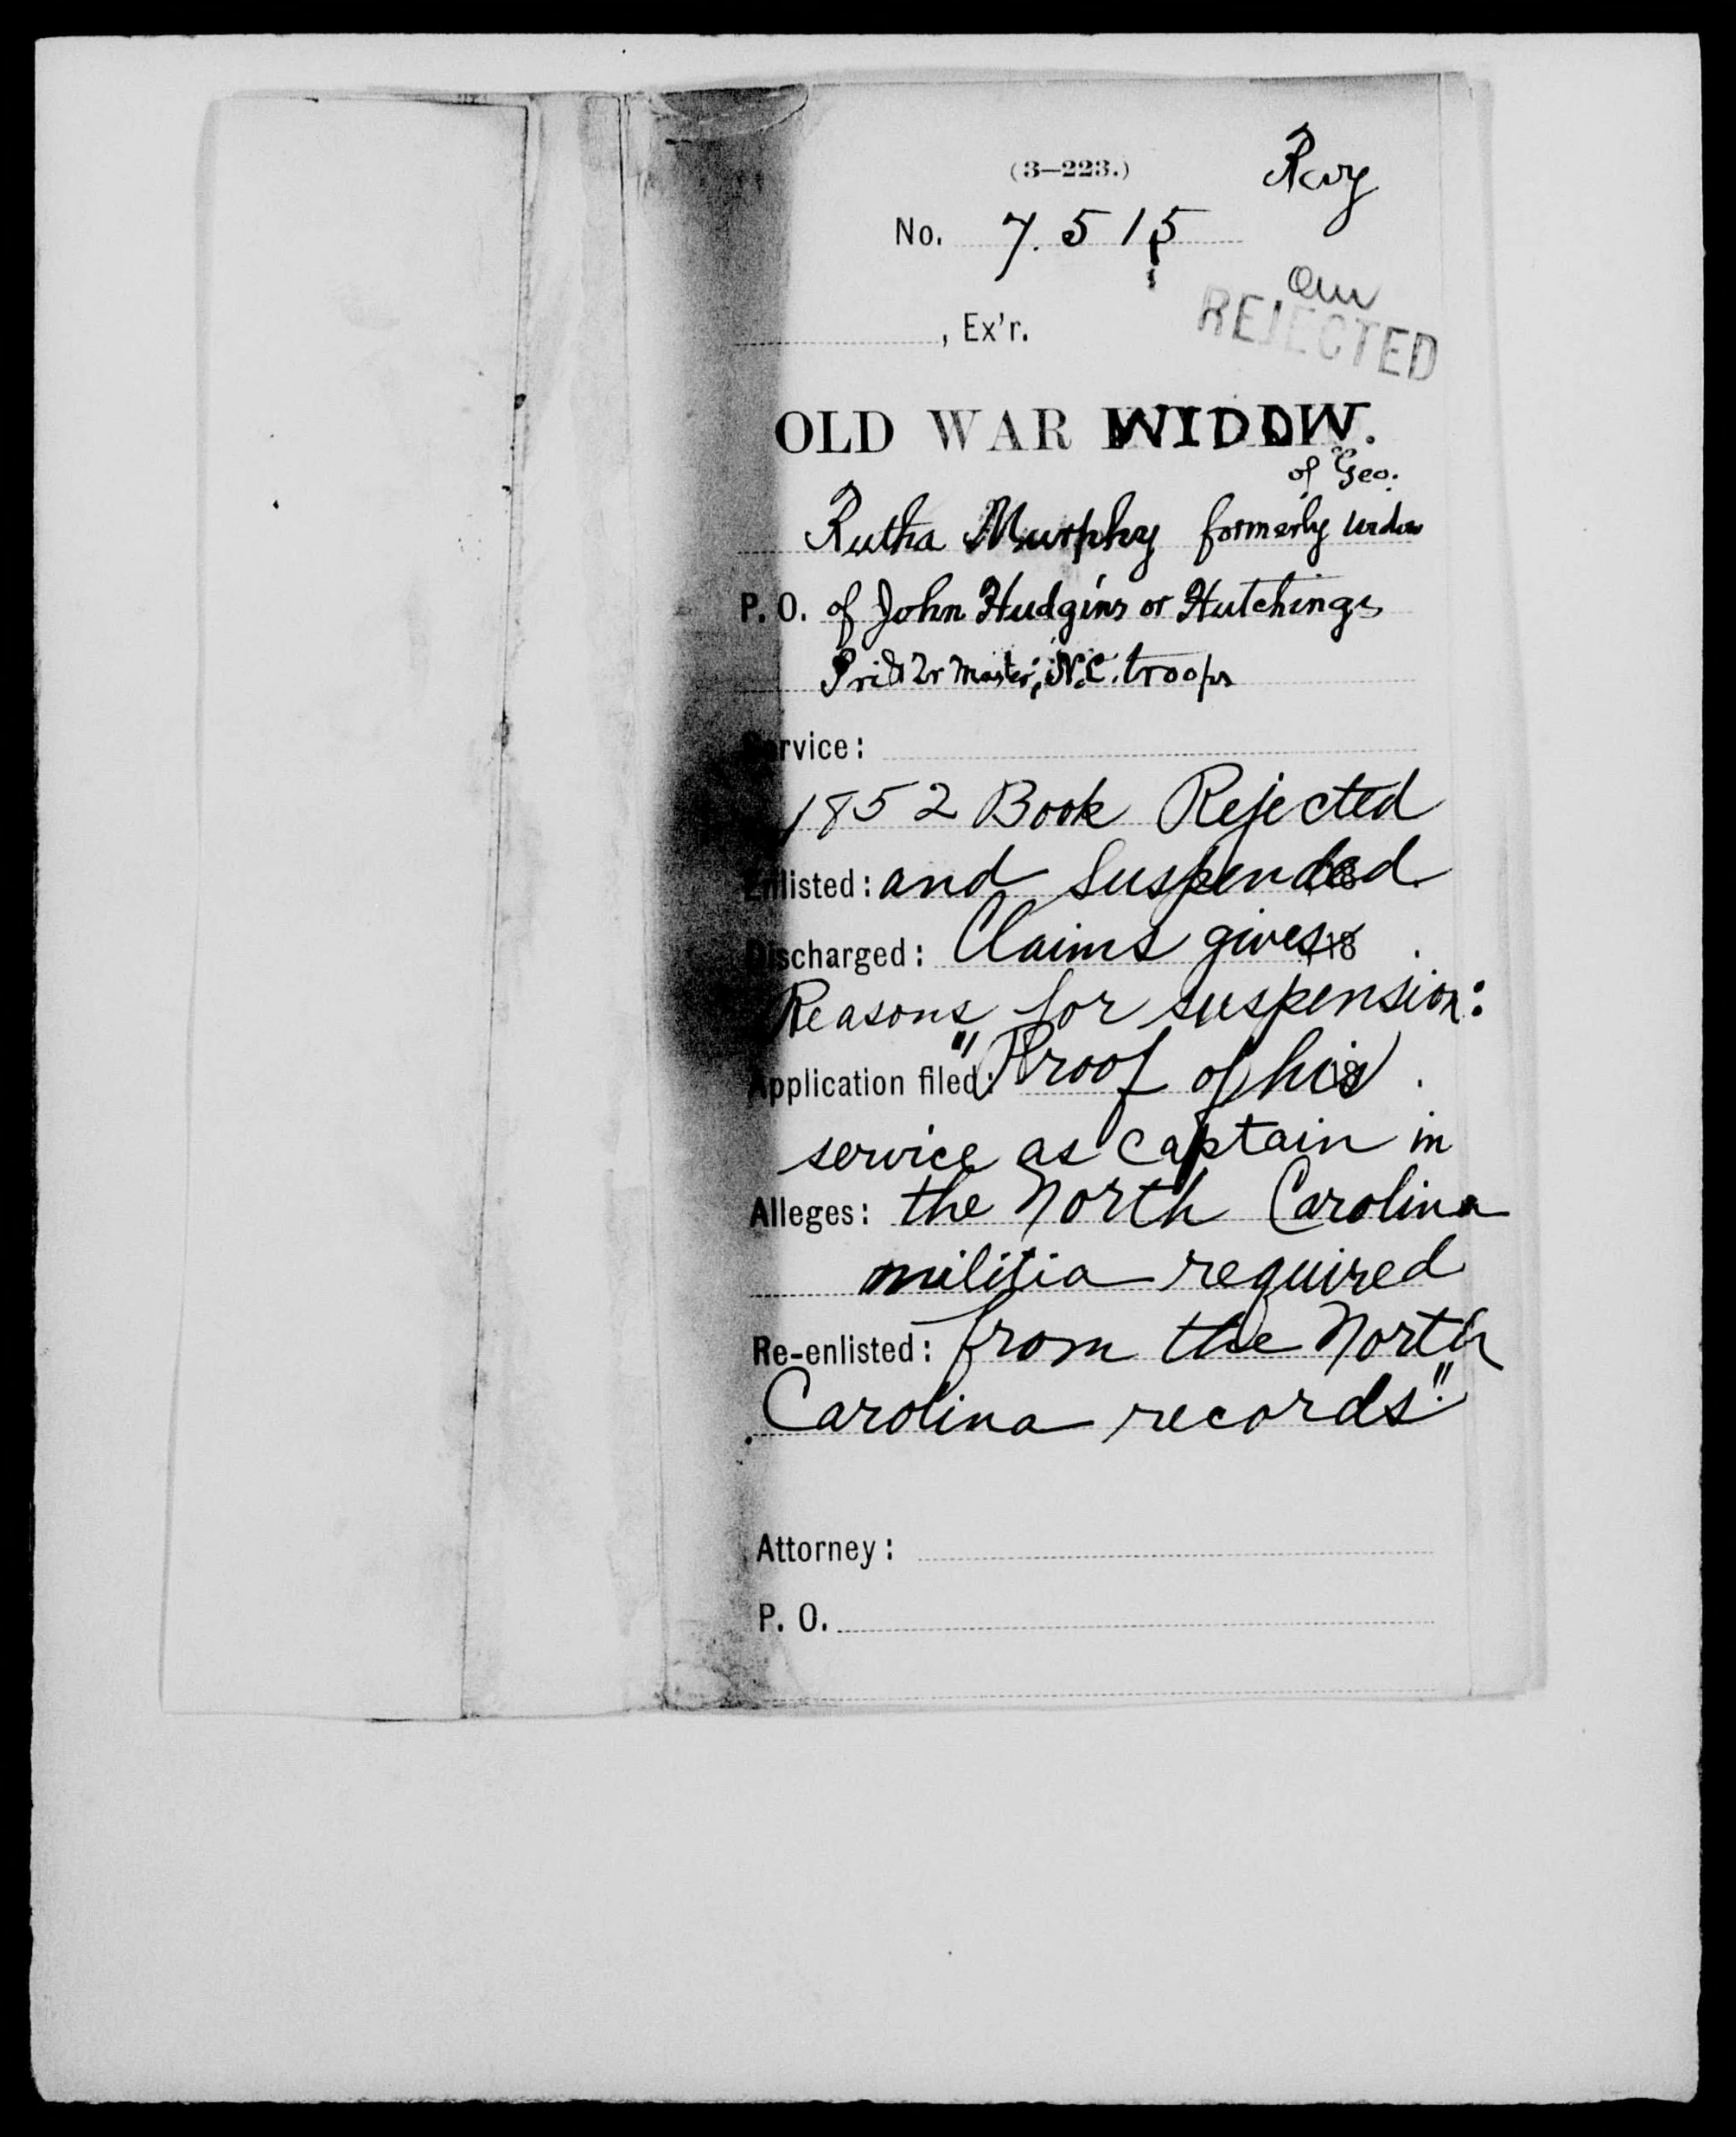(3-223.) Ray
No. 7515
__________.                        (Initials OW)
—————, Ex’r.              REJECTED 

OLD WAR WIDOW of Geo.
Rutha Murphy formerly widow 
P.O. Of John Hudgins or Hutchins
(Not legible) Master; N.C. Troops

Service:—————————————
1852 Book Rejected 
Listed: and suspended
Discharged: Claims gives reasons for suspension:
Application filed: Proof of his service as captain in the North Carolina militia required
Re-enlisted: from the North Carolina records!!

Attorney: ——————————-
P.O. —————————————-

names: Rutha Murphy, John Hudgins, John Hutchings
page: 19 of 108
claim: rejected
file: R. 7,515, John Hudgins, N.C.